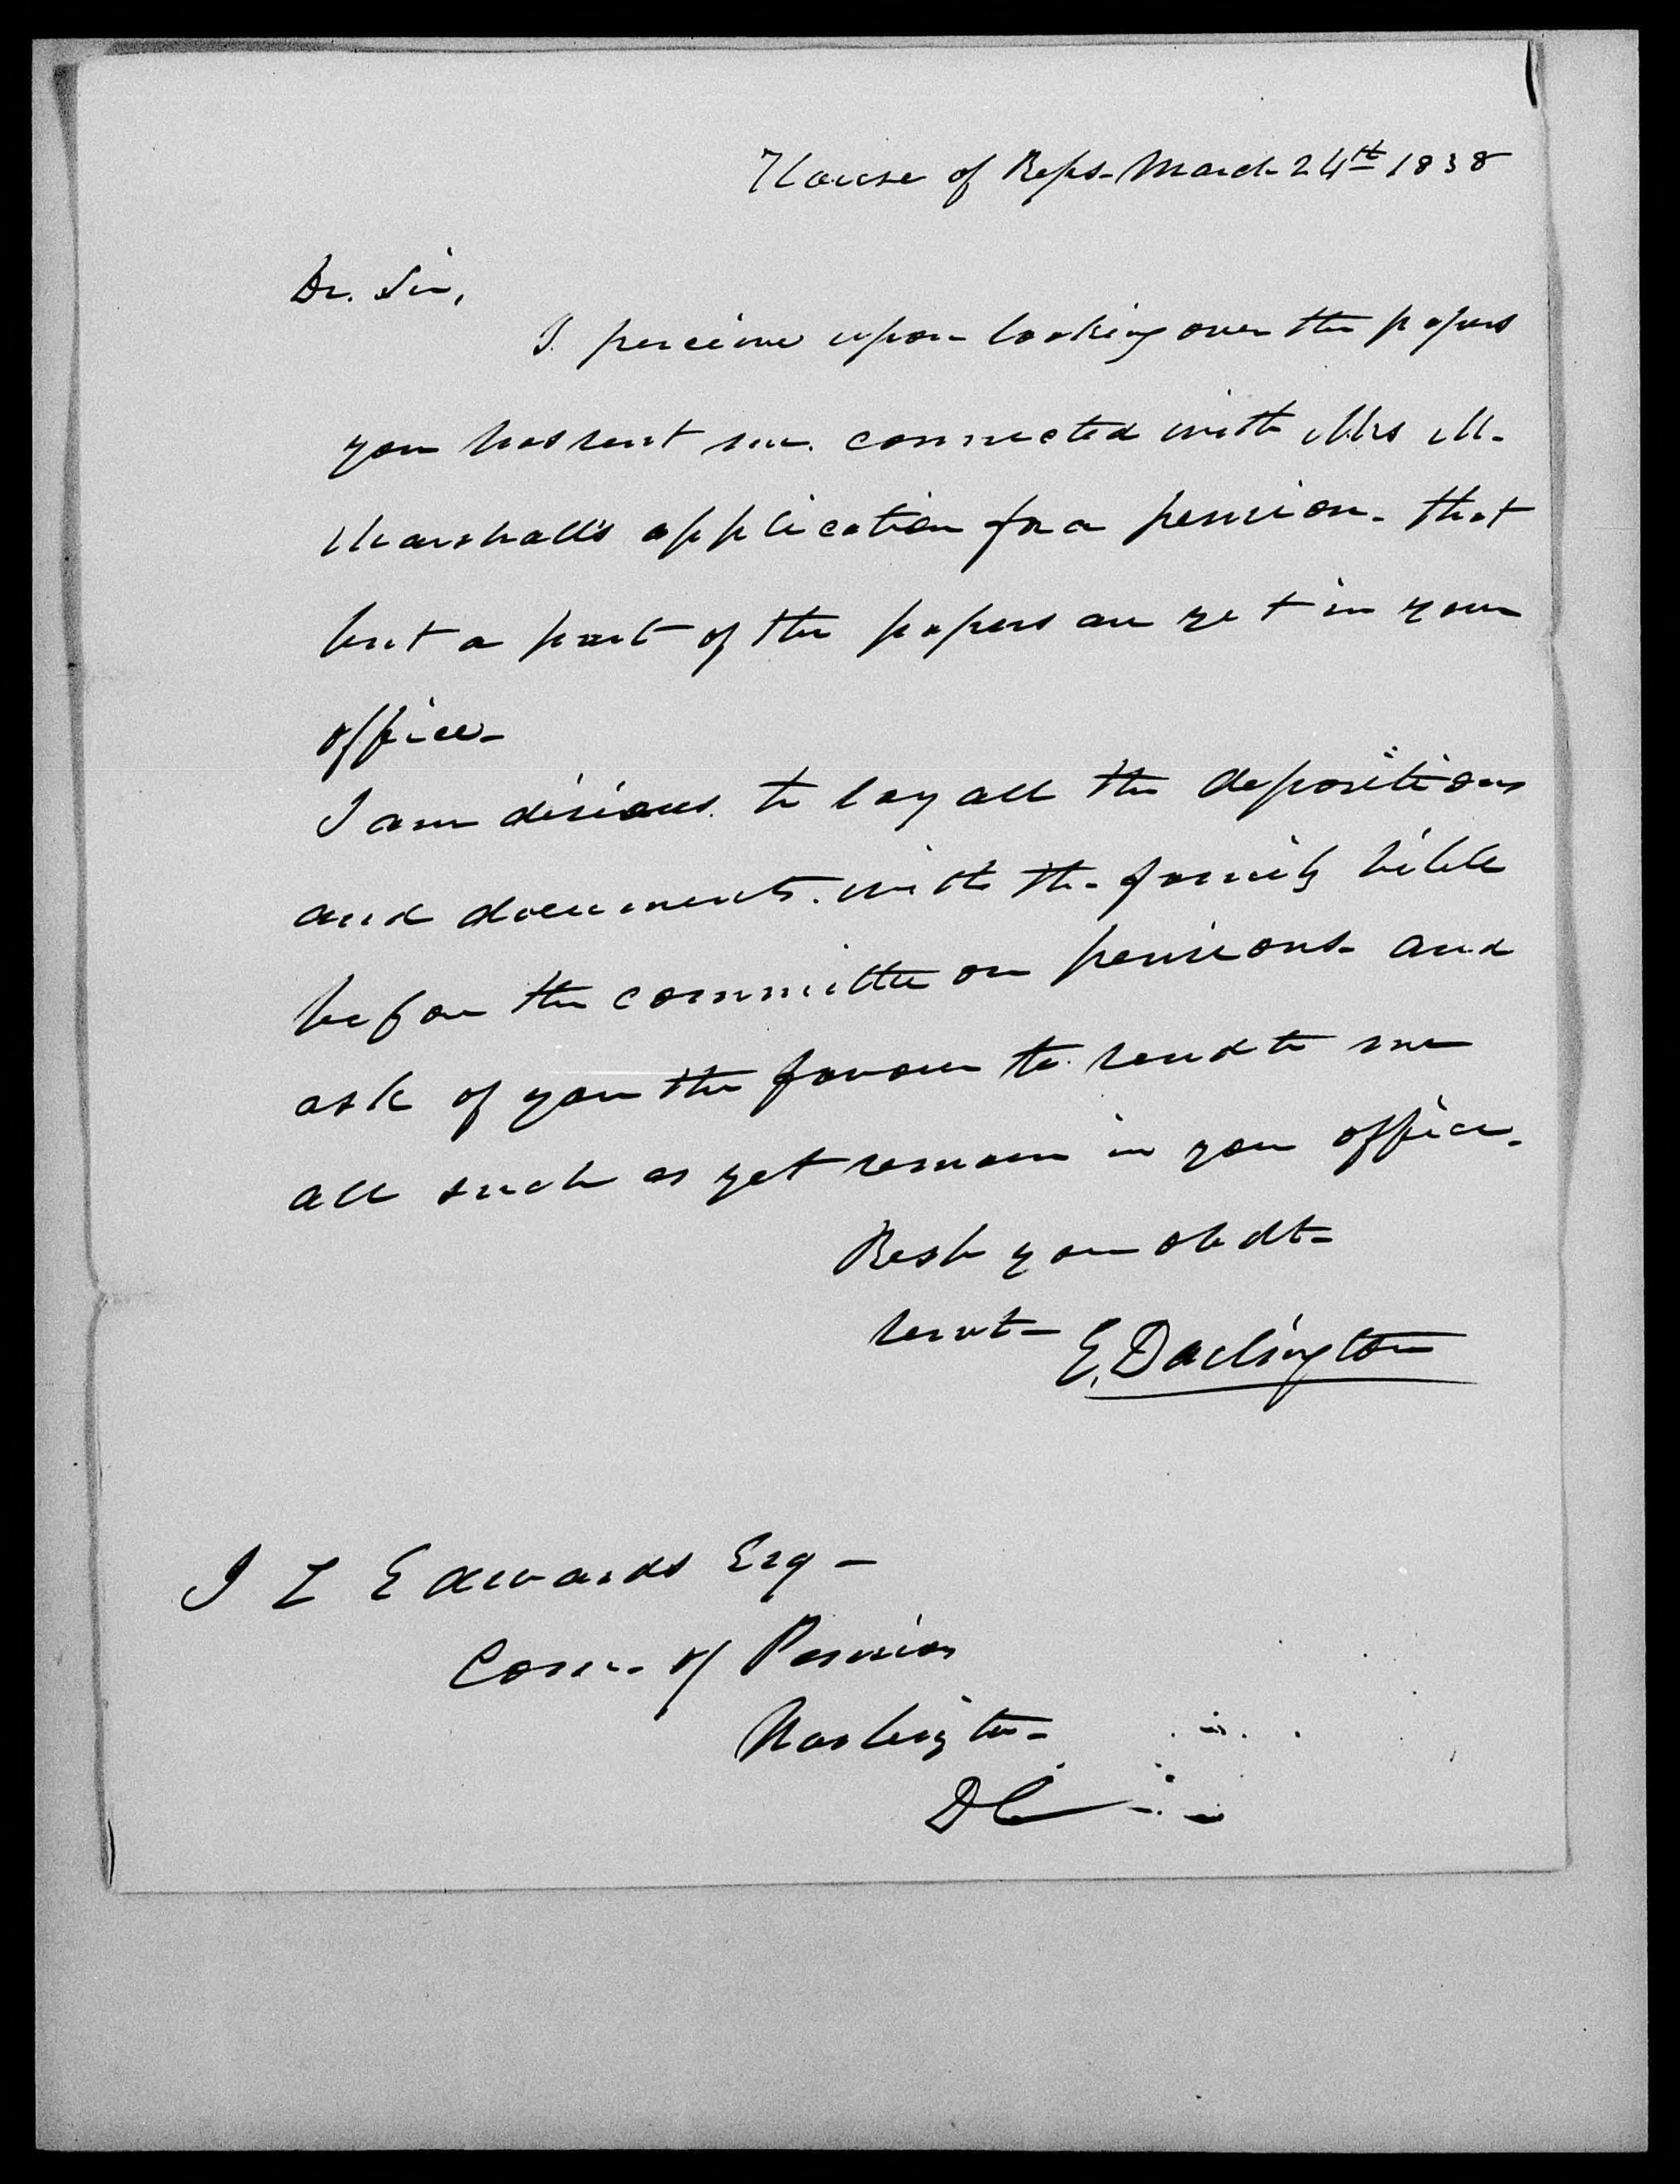house of Reps
March 24th 1838

Dr. Sir,

i perceive upon looking over the papers your had sent me connected with Mrs. M Marshall's application for a pension. That but a part of the papers are ret in your office.

I am desirous to lay all the depositions and documents with the family bible before the committee on pensions and ask of you the favor to send to me all such as yet remain in your office.

Resp your obit servt
E. Darlington

J.L. Edwards Esq
Comm of Pensions
Washington, D.C.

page: 39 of 86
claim: widow's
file: W. 3571, for David Marshall, Pennsylvania